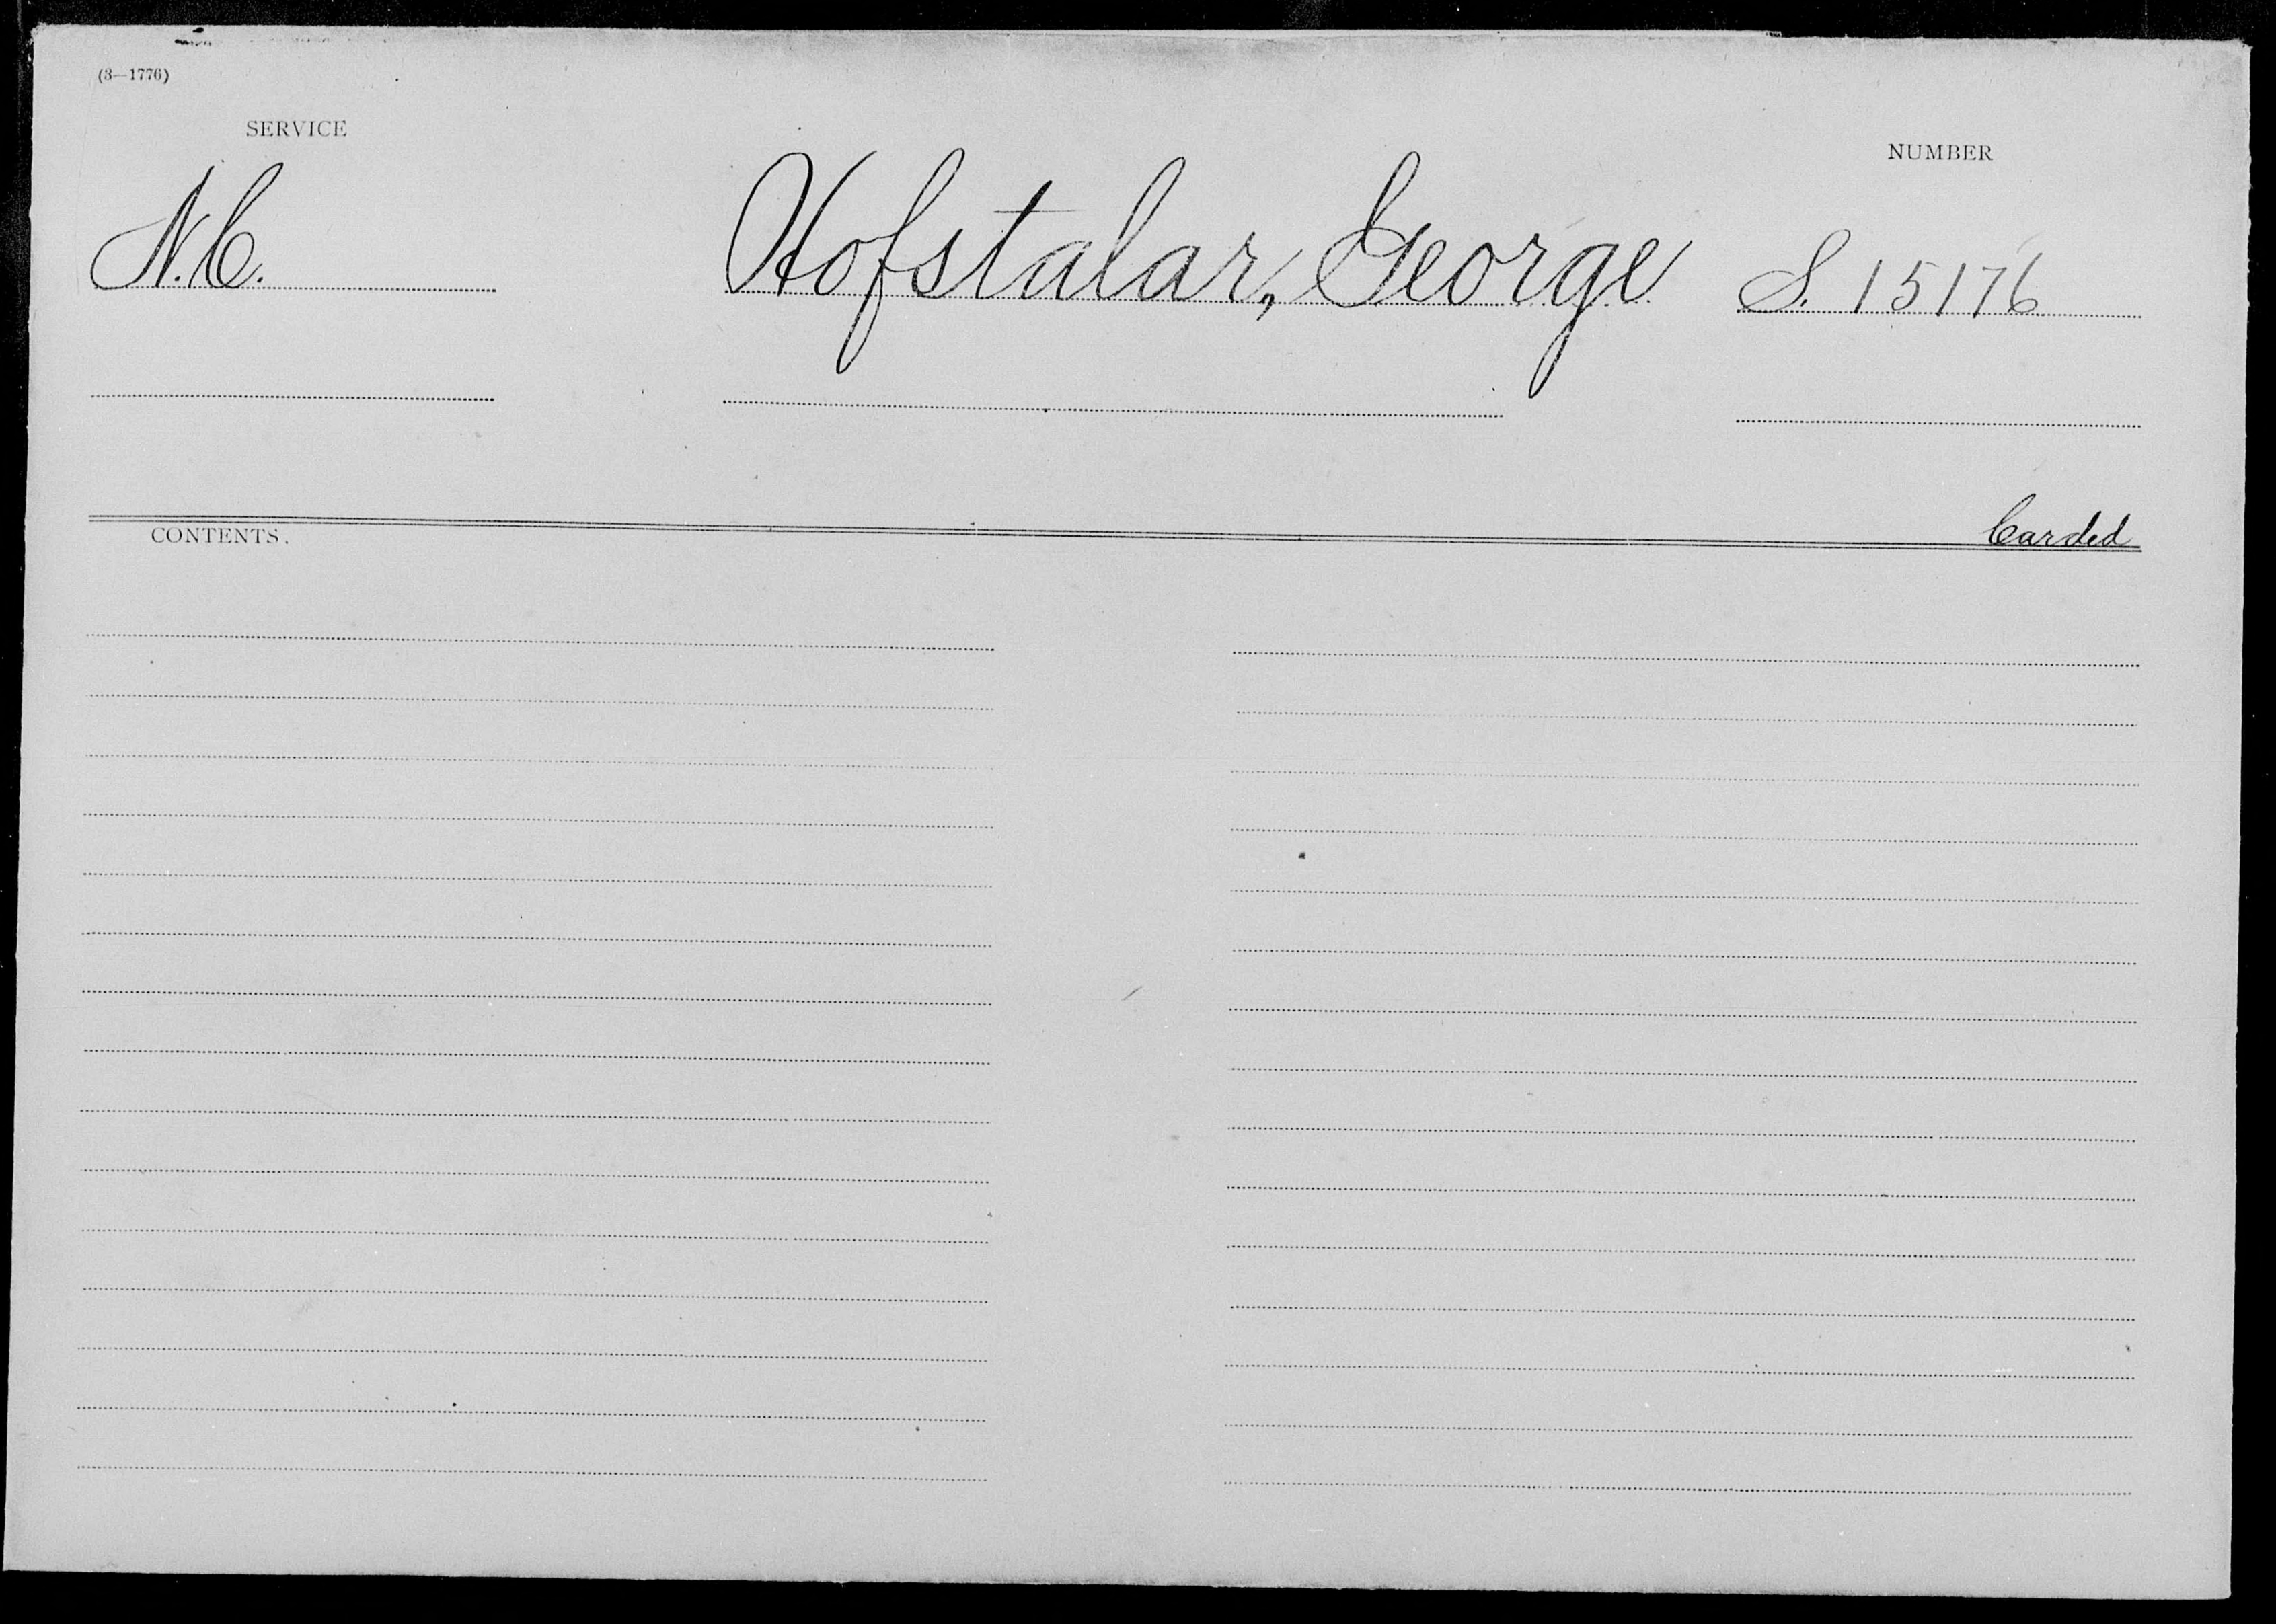(3-1776)

SERVICE.
N.C.

Hofstalar, George

NUMBER
S. 15176

Carded

CONTENTS.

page: 1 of 18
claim: survivor's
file: S. 15176, George Hofstalar, N.C.